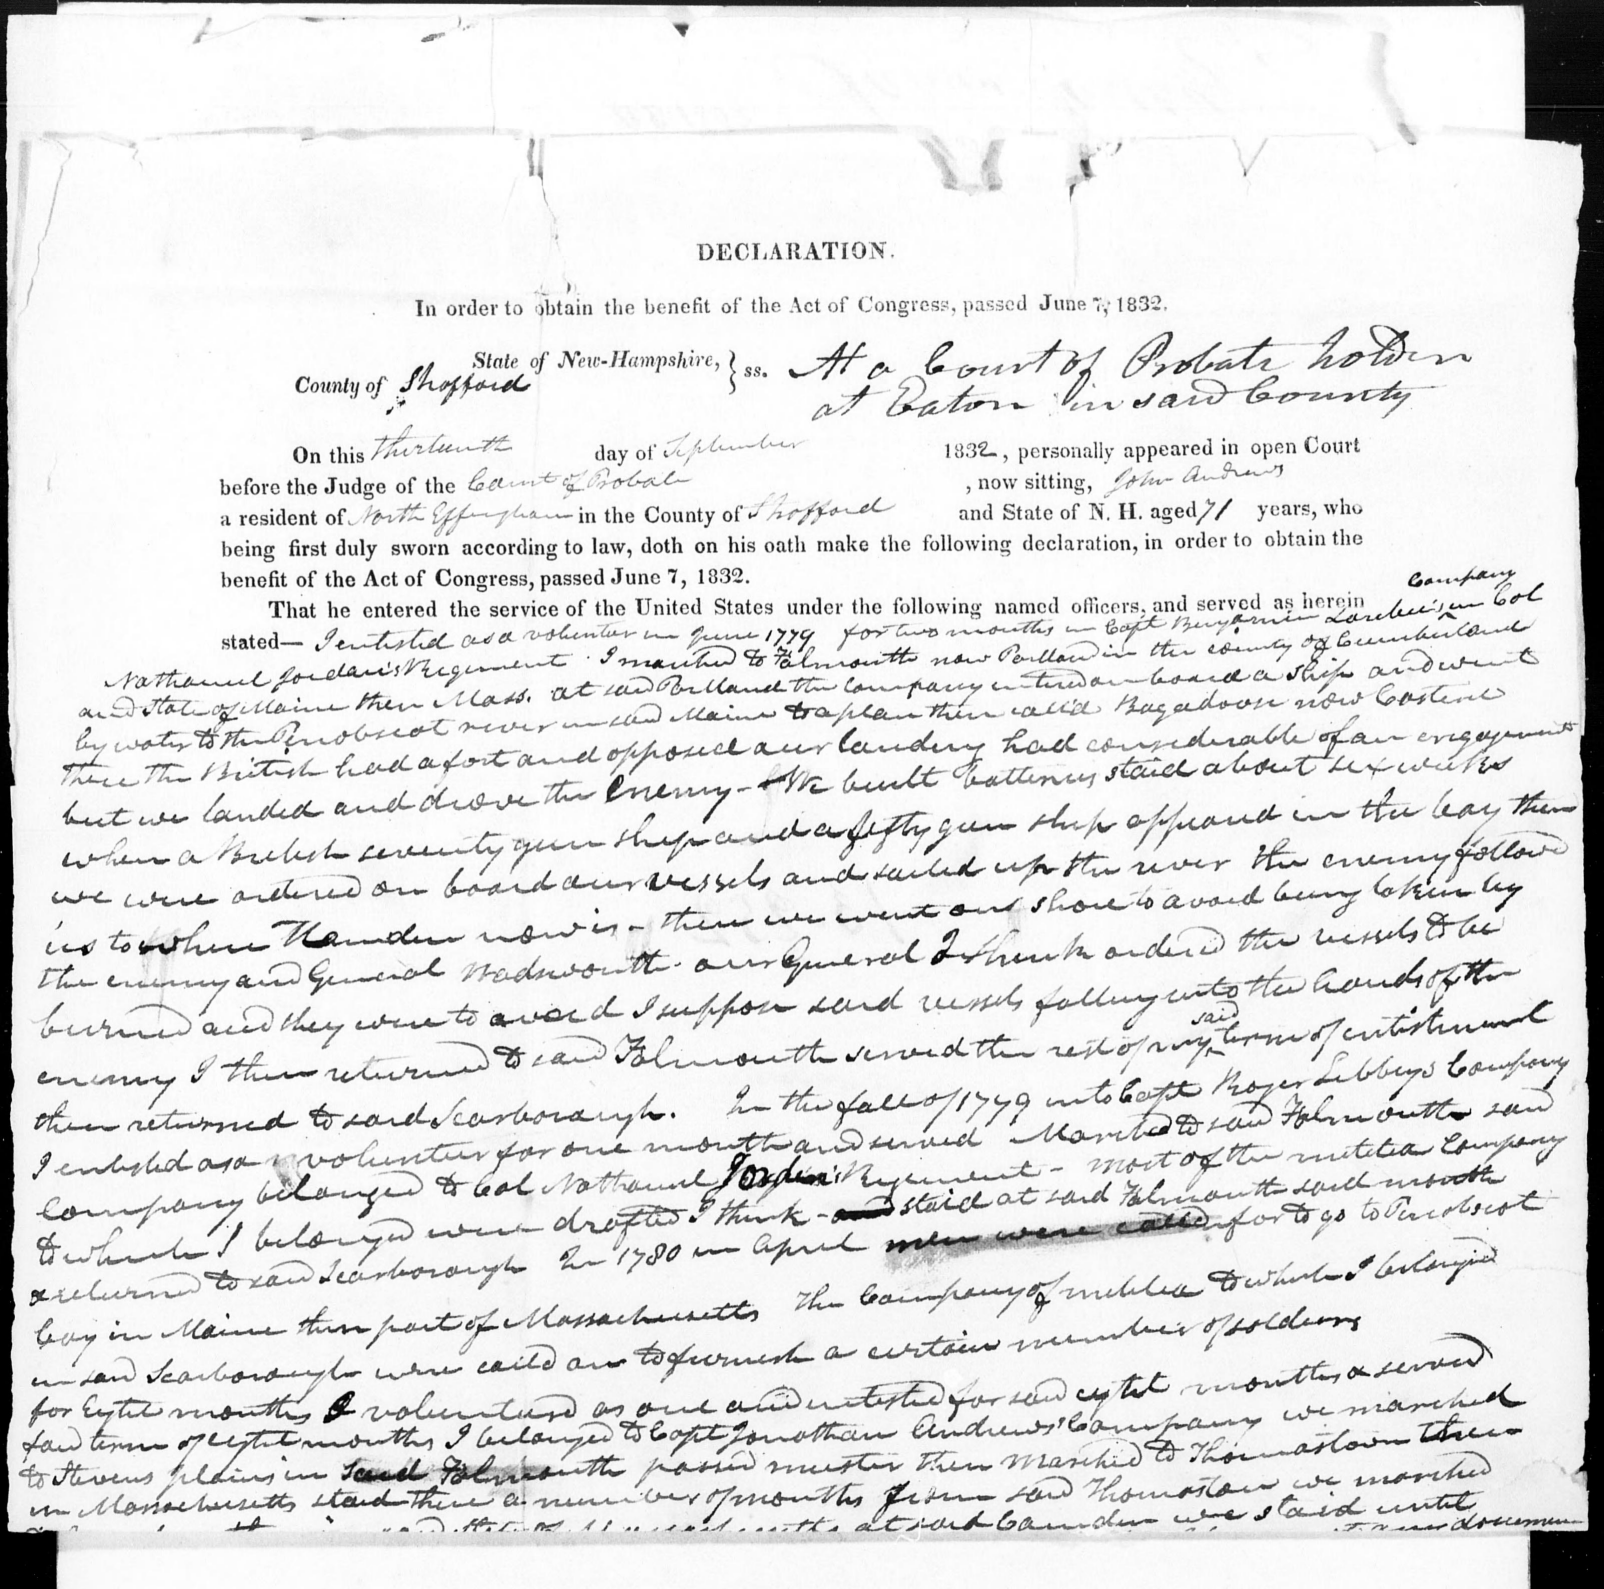DECLARATION. 
In order to obtain the benefit of the Act of Congress, passed June 7, 1832. 

State of New-Hampshire, County of Shafford ss. At a Court of Probate holden at Eaton in said County On this thirteenth day of September 1832, personally appeared in open Court before the Judge of the Court of Probate now sitting John Andrews, a resident of North Effingham in the County of Shafford and State of N. H. aged 71 years, who being first duly sworn according to law, doth on his oath make the following declaration, in order to obtain the benefit of the Act of Congress, passed June 7, 1832. 

That he entered the service of the United States under the following named officers, and served as herein to state-- 

I enlisted as a volunteer in June 1779 for two months in Capt Benjamin Lordier in Col.  Nathaniel Jordan's Regiment. I marched to Falmouth, now Portland, in the County of Cumberland and State of Maine then Mass. at [illegible] Portland the company entered/[wintered?] on board a ship and went by water to the Penobscot river inland Maine 

to a place then called Bagadoon now Costine,  there the British had a fort and opposed our landing, had considerable of an engagement but we landed and drove the enemy. We built batteries staid [stayed] about six weeks when a British seventy gun ship and a fifty gun ship appeared in the bay, then we were ordered on board our vessels and sailed up the river, the enemy followed us to where harden [Hampden] now is, there we went out shore to avoid being taken by the enemy and General Wadsworth our General, I think, ordered the vessels to be burned and they were to and I suppose said vessels falling into the hands of the enemy.  I then returned to said Falmouth served the rest of my said term of enlistment then returned to said Scarborough.  In the fall of 1779 into Capt Roger Libbeys Company enlisted as a volunteer for one month and served marched to said Falmouth said company belonged to Col Nathan Jordan's Regiment. Most of the militia company to which I belonged were drafted I think, staid [stayed] at said Falmouth said month & returned to said Scarborough in 1780 in April men were called for to go to Penobscot Bay in Maine, then part of Massachusetts, the Company of militia to which I belonged in said Scarborough were called on to furnish a certain number of soldiers for eight months & volunteered as one and enlisted for and ight months & served said term of eight months I belonged to Capt Jonathan Andrews Company. we marched to Stevens Plains in said Falmouth passed muster then marched to Thomastown then Massachusetts, staid [stayed] there a number of months, from said Thomastown we marched [illegible due to folded page]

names: John Andrews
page: 4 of 23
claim: widow's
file: W. 1693, John Andrews, Mass.